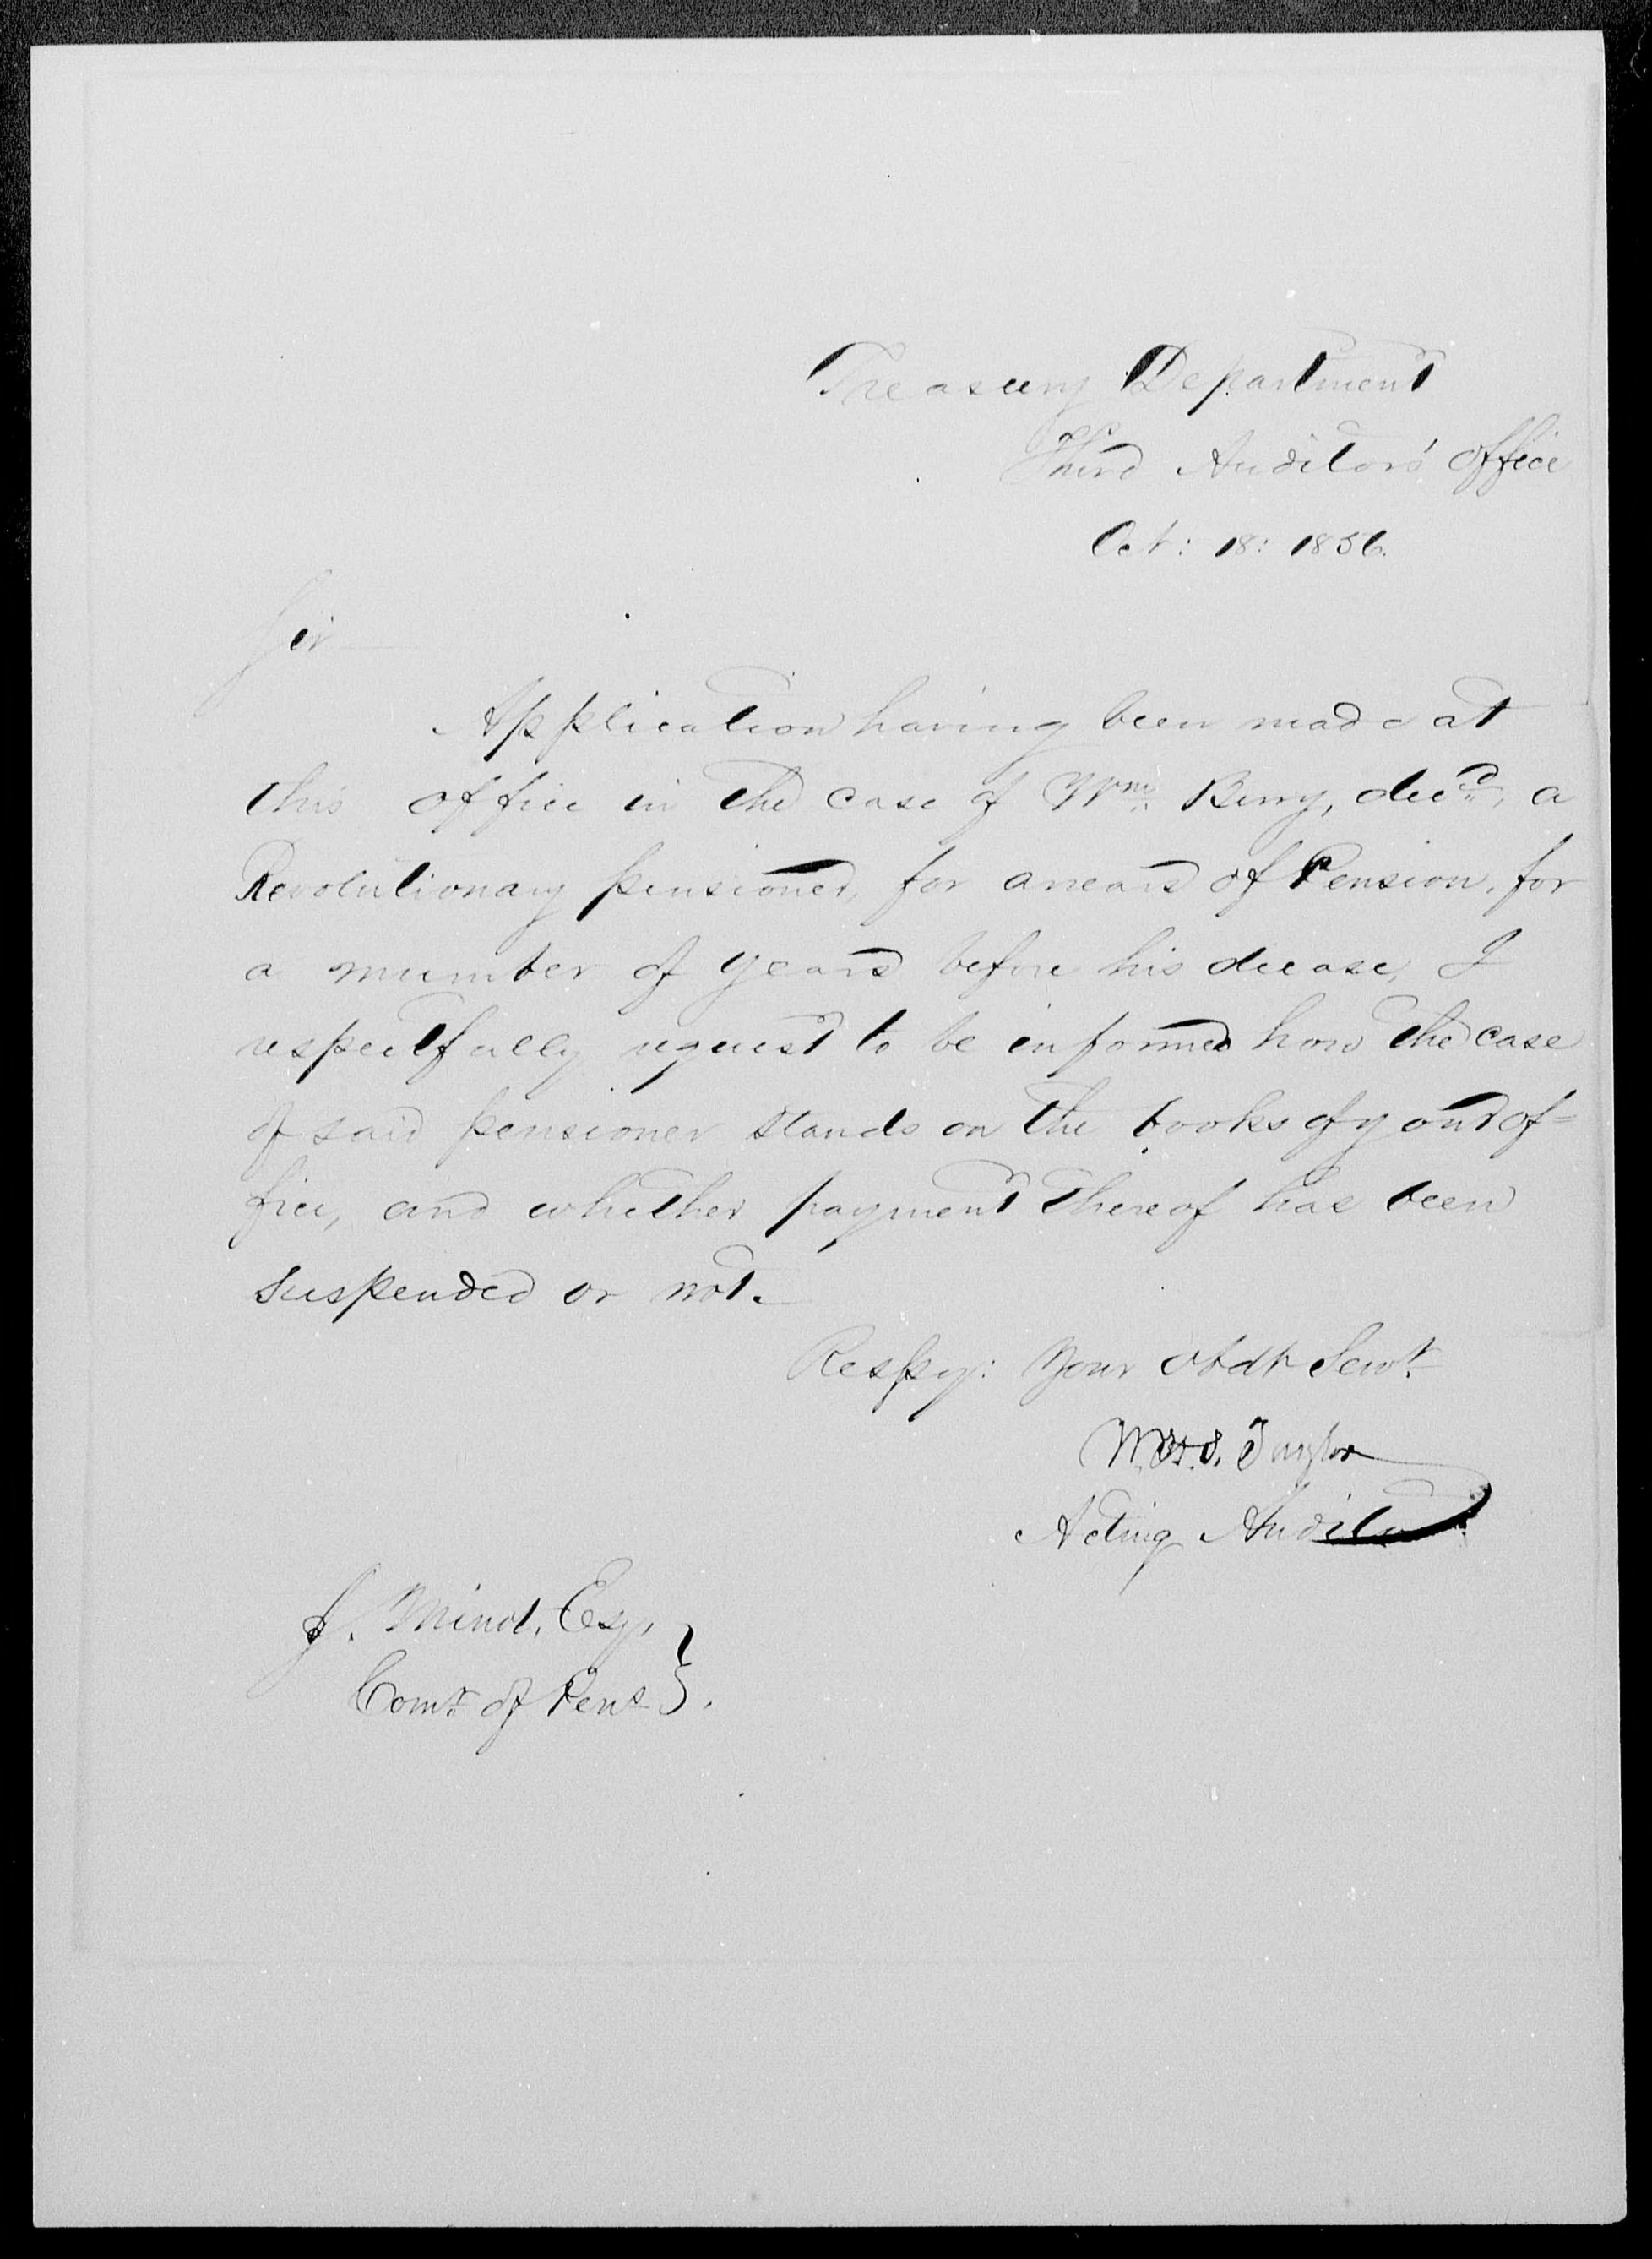Treasury Department 
Third Auditors’ Office 
Oct: 18: 1856 

Sir
Application having been a made at this office in the case of Wm. Berry, decd [deceased] a Revolutionary pensioner for arrears of Pension, for a number of years before his decease. I respectfully request to be informed how the case of said pensioner stands on the books of your office, and whether payment thereof has been suspended or not. 

Respy your obt Servt [Respectfully your obedient servant]
W A S Taylor
Acting Auditor

J Minot Esq. Comr [Commissioner] of Pens.}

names: J Minot, Wm Berry, W A S Taylor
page: 12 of 21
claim: survivor's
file: S. 2,371, William Berry, Va.